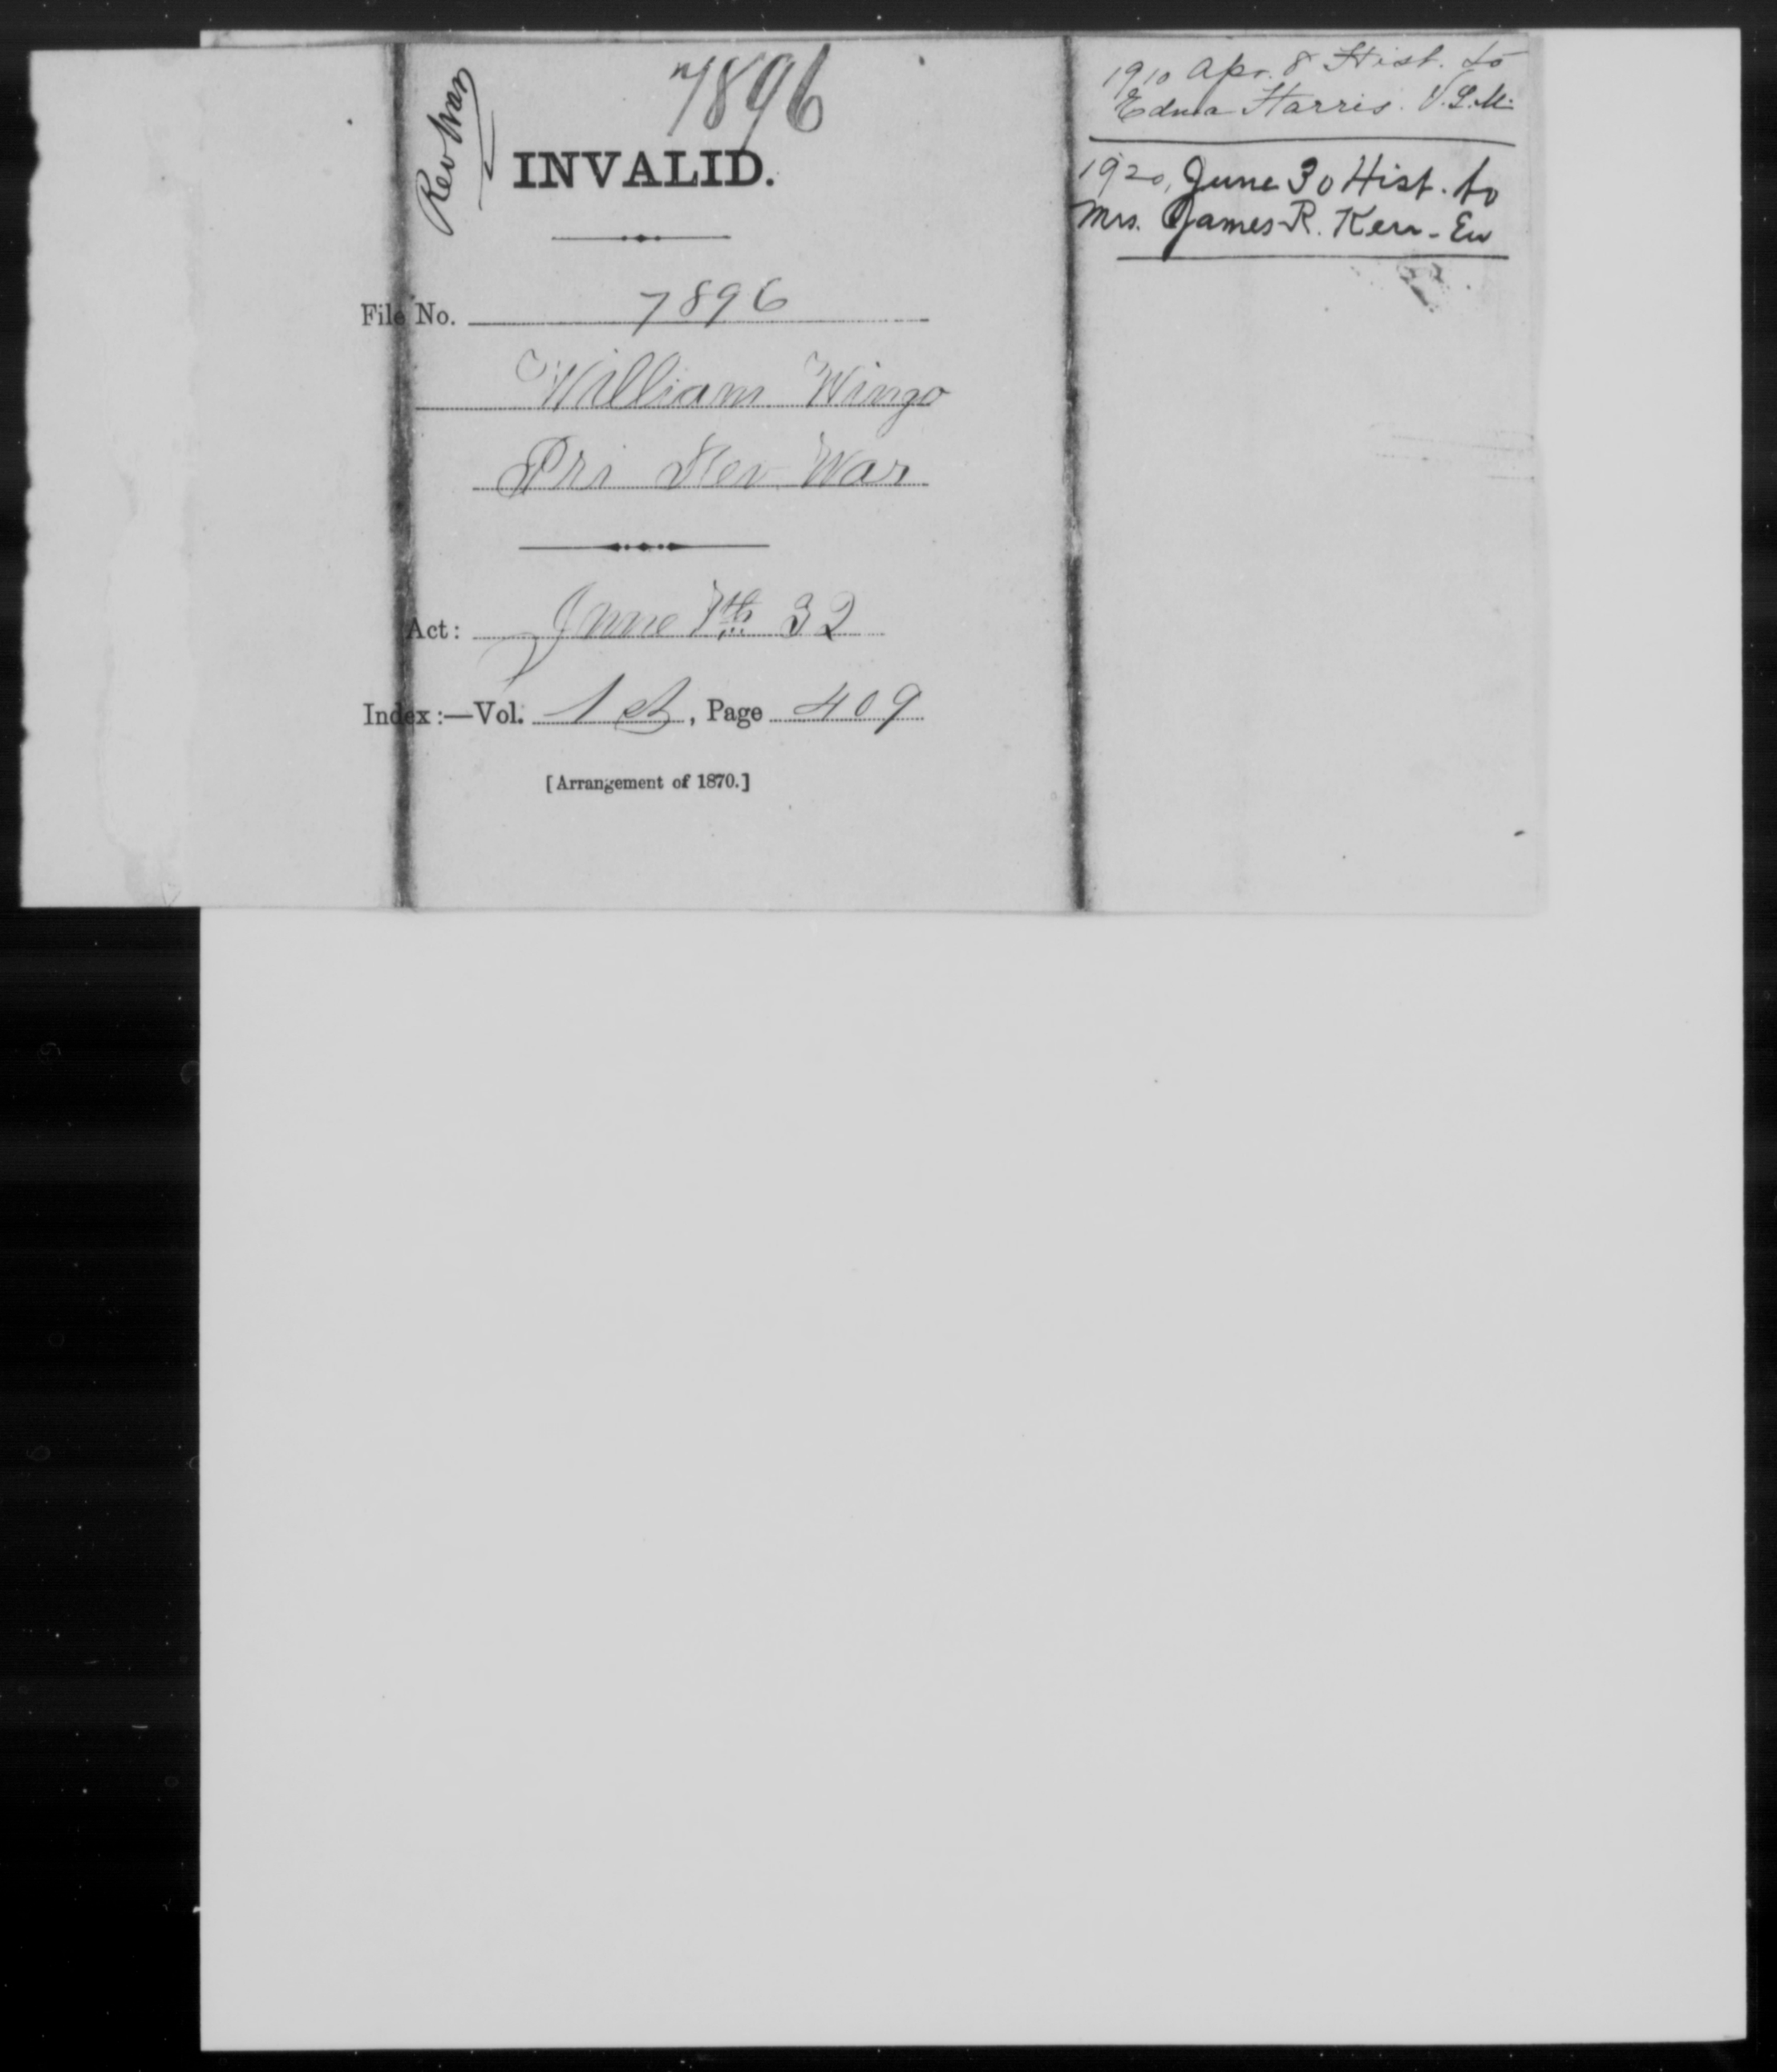Rev War 7896 INVALID.
File No. 7896 William Wingo Pri Rev War
Act June 7th 32
Index:- Vol. [illegible], Page 409
[Arrangement of 1870.]
1910 Apr 8 Hist to Edna Harris J.L.K
1920 June 30 Hist to Mrs. James R. Kerr Ew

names: Edna Harris, William Wingo, James R Kerr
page: 8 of 19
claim: survivor's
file: S. 7,896, William Wingo, Va.